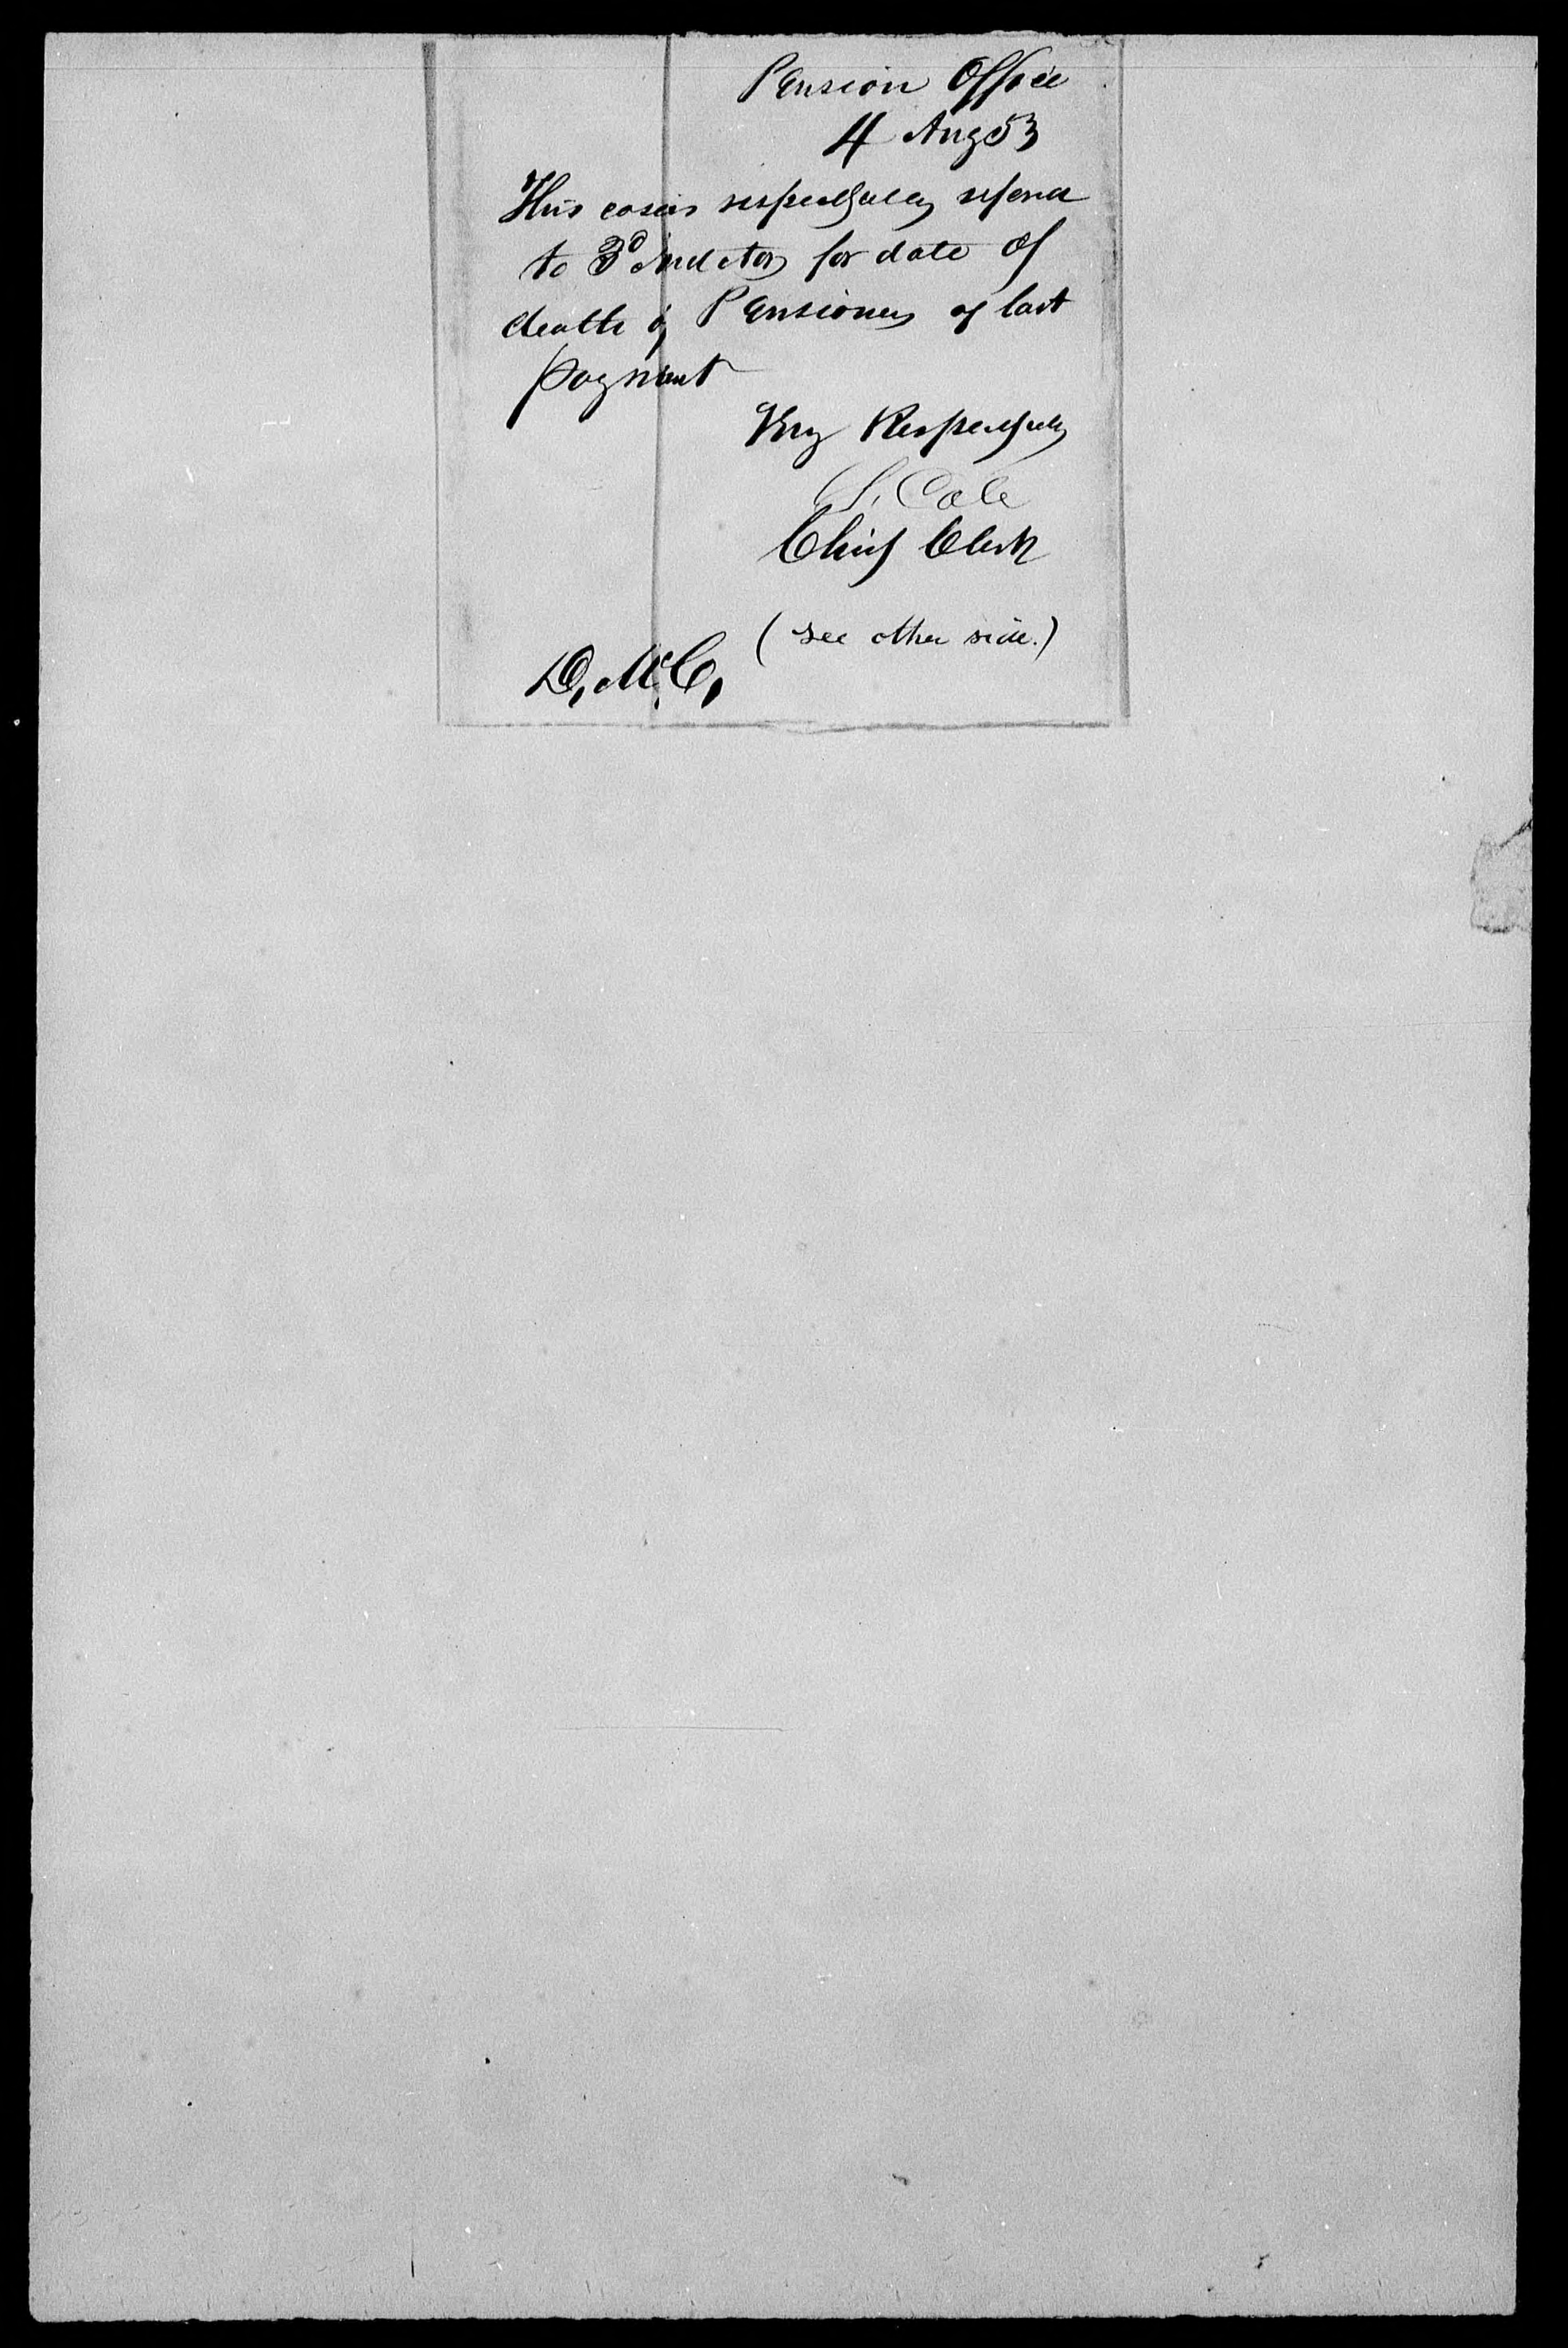Pension Office
4 Aug 53
This case respectfully reference
to 3d indicator for date of
death of Pensioner of last 
payment. 
Very Respectfully
CS Cole
Chief Clerk
(see other side)
D,ell,C,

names: C S Cole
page: 15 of 43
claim: widow's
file: W 683, John Daniels, Continental Mass. N.H.